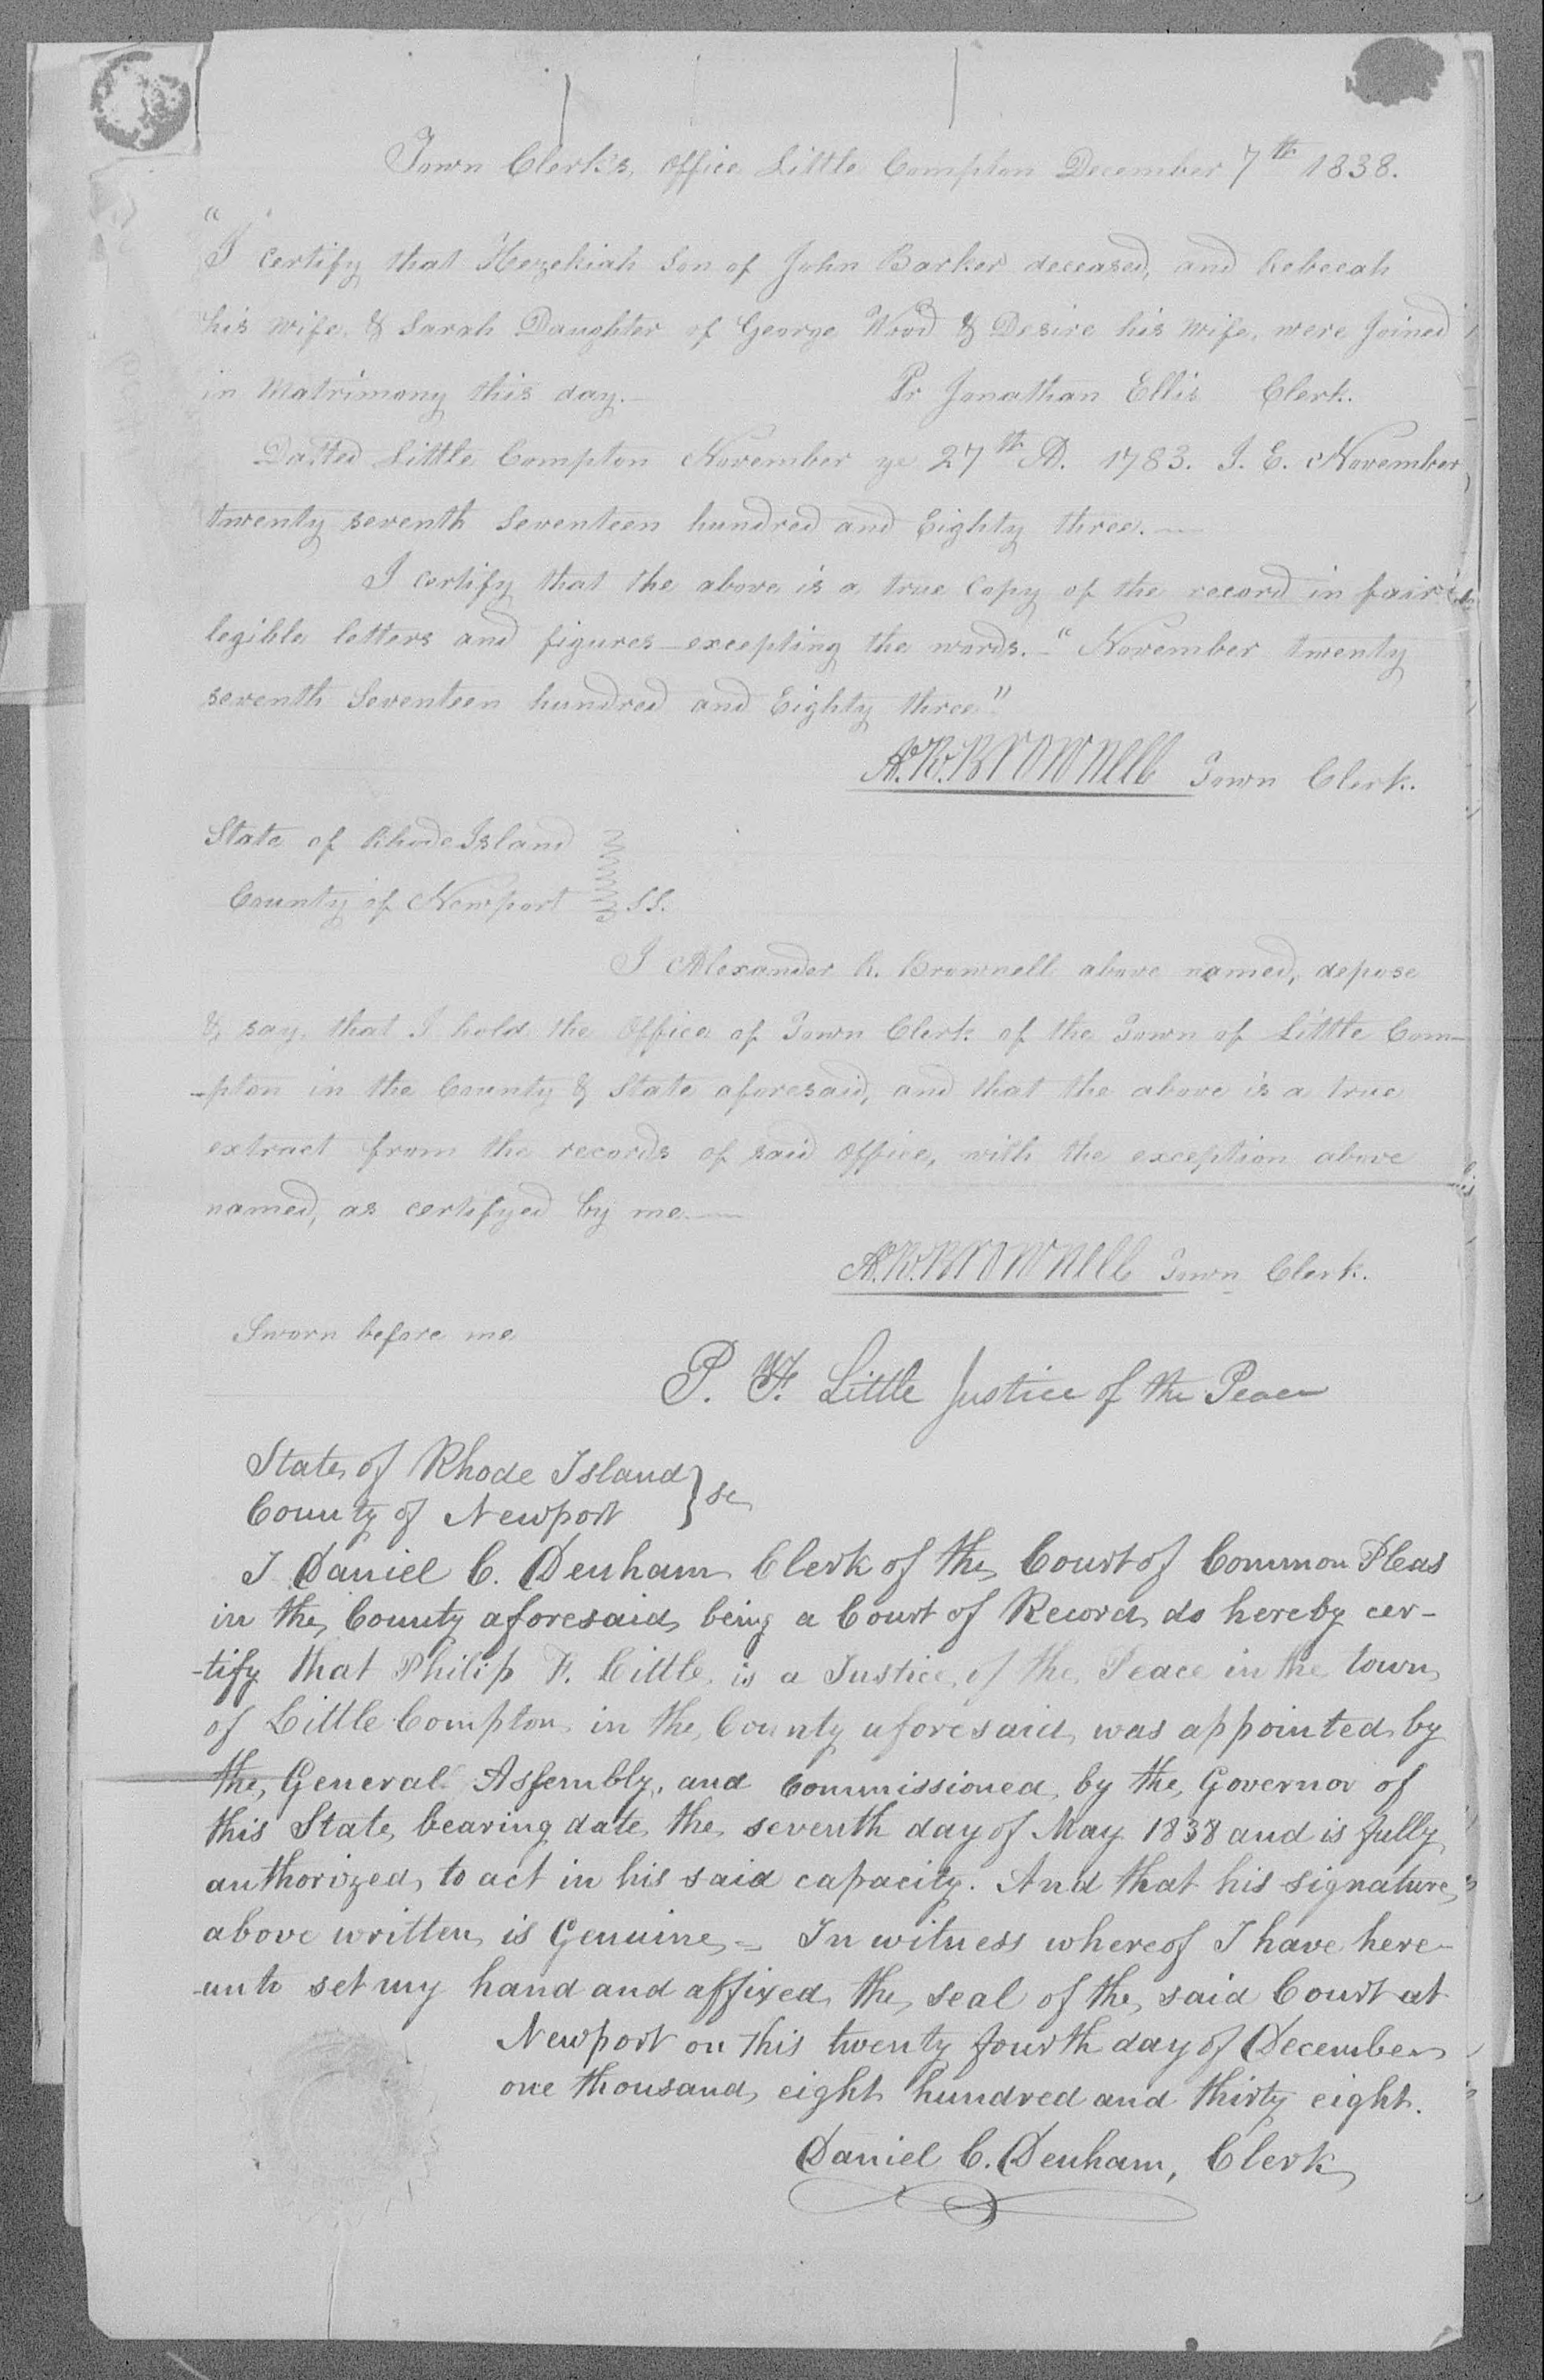Town Clerk’s office Little Compton December 7th 1838.
I certify that Hezekiah son of John Barker deceased, and Rebecah his wife, & Sarah Daughter of George Wood & Desire his wife, were joined in matrimony this day. Pr. Jonathan Ellis Clerk.
Dated Little Compton November ye 27th AD 1783. I. E. November twenty seventh seventeen hundred and eighty three.
I certify that the above is a true copy of the record in fair legible letters and figures excepting the words. “November twenty seventh seventeen hundred and eighty three.”
A. R. Brownell Town Clerk
State of Rhode Island
County of Newport} Ss.
I Alexander R. Brownnell above named, depose & say, that I hold the office of Town Clerk of the Town of Little Compton in the county & state aforesaid, and that the above is a true extract from the records of said office, with the exception above named, as certified by me.
A. R. Brownell Town Clerk
Sworn before me
P. R. Little Justice of the Peace
State of Rhode Island
County of Newport} Ss.
I Daniel C. Denham, Clerk of the Court of Common Pleas in the County aforesaid being a Court of Record do hereby certify that Philip R. Little, is a Justice of the Peace in the town of Little Compton in the County aforesaid, was appointed by the General Assembly, and commissioned by the Governor of this State, bearing date, the seventh day of May 1838 and is fully authorized to act in his said capacity.  And that his signature above written is genuine.  In witness whereof I have hereunto set my hand and affixed the seal of the said Court at Newport on this twenty fourth day of December one thousand eight hundred and thirty eight.
[seal]
Daniel C. Denham, Clerk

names: Daniel C Denham, Philip F Little, George Wood, Jonathan Ellis, Alexander R Brownell, A R Brownell, Hezekiah, Daniel C Denham, John Barker, P F Little, Sarah, A R Brownell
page: 12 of 52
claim: widow's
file: W. 18,565, Hezekiah Barker, Continental R.I.